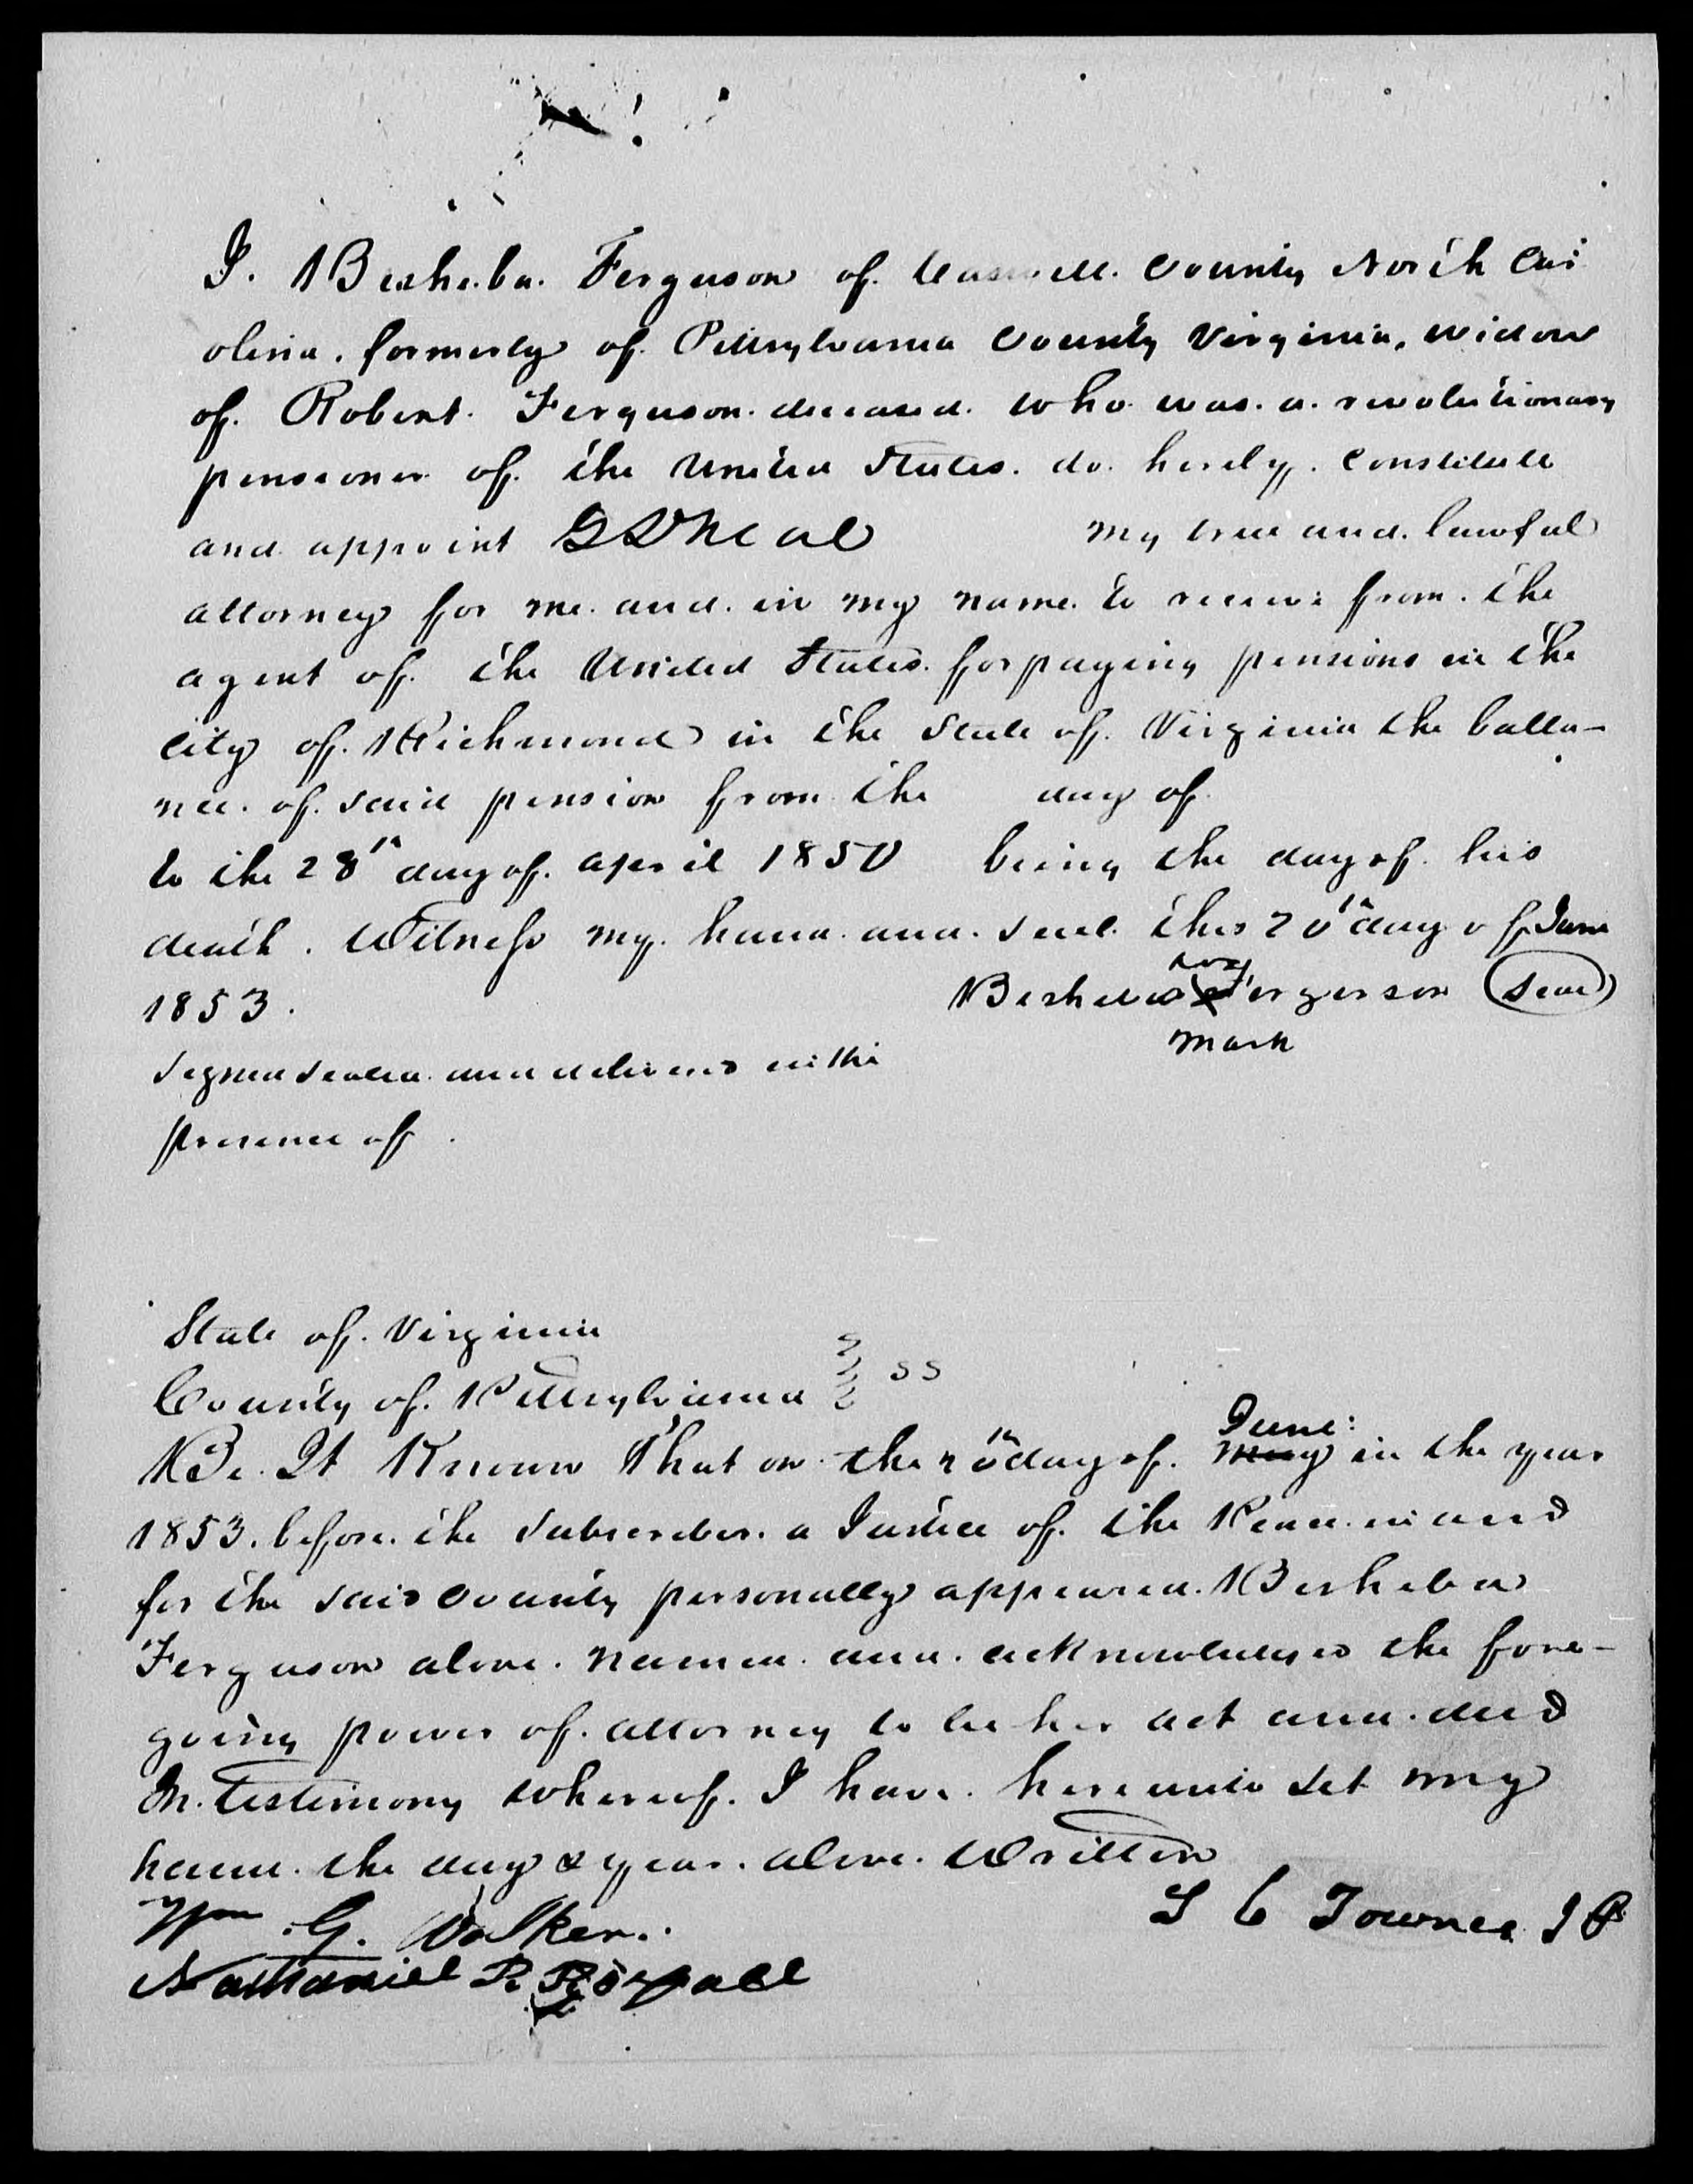I ^ Besheba Ferguson of Caswell County North Carolina, formerly of Pittsylvania County Virginia, widow of Robert Ferguson deceased, who was a revolutionary pensioner of the United States, do hereby constitute and appoint G.C. Neal my true and lawful attorney for me and in my name to receive from the agent of the United States for paying pensions in the city of ^ Richmond in the State of Virginia the ballance of said pension from the     ___ day of      to the 28th day of April 1850 being the day of his death. Witness my hand and (illegible Seal?) this 20th day of June 1853.
            her 
Besheba  X  Ferguson    seal (circled)
            mark

Signed sealed and delivered in the presence of 


State of Virginia
County of Pittsylvania} SS
Be It Known that on the 7th day of (May crossed out) June: in the year 1853 before the subscriber a Justice of the Peace in and for the said county personally appeared ^Besheba Ferguson above. Named and acknowledged the foregoing power of attorney to be her act and deed In testimony whereof I have hereunto Set my hand the day & year above written
L. C. Townes J.P/
Wm. G. Walker
Nathaniel R. Royall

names: Wm G Walken, Nathaniel R Royall, G D Neal, Besheba Ferguson, Besheba Ferguson, Besheba Fergerson, S C Townes, Robert Ferguson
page: 72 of 81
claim: widow's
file: W. 7262, Robert Ferguson, Va.